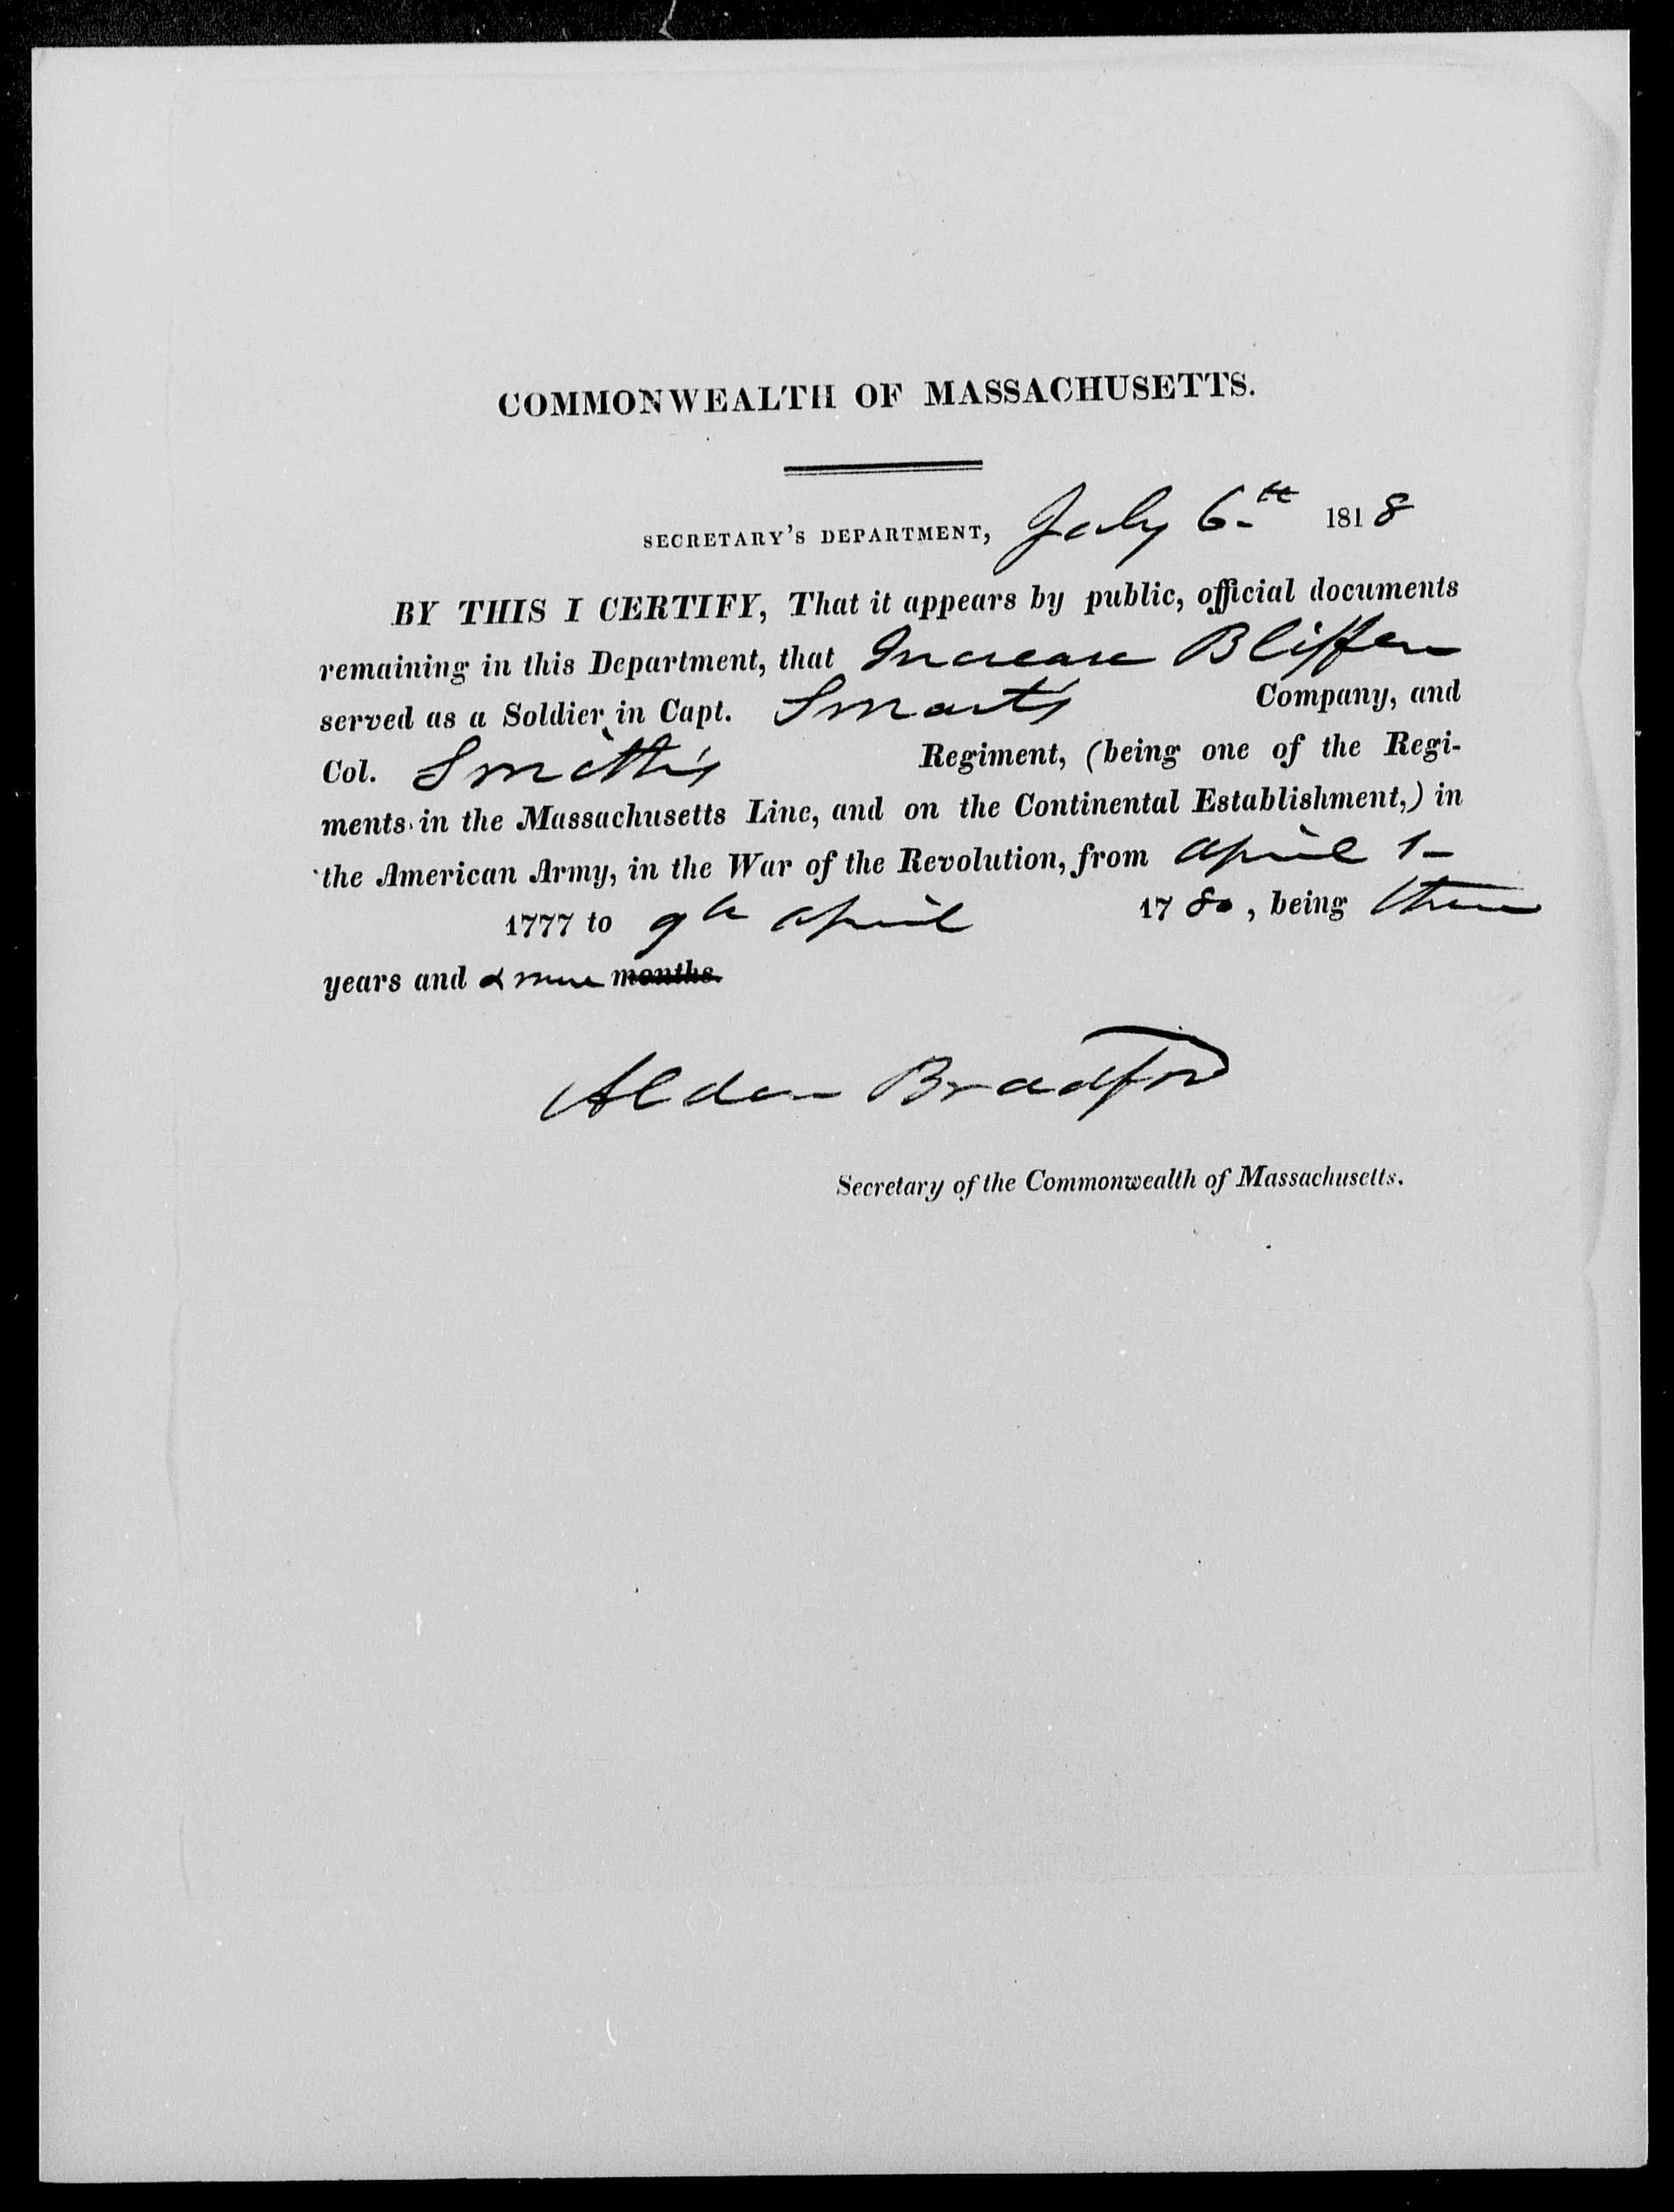COMMONWEATHL OF MASSACHUSETTS.

SECRETARY'S DEPARTMENT, July 6th 1818

BY THIS I CERTIDFY, That it appears by public, official documents
remaining in this Department, that Increase Blithen
served us a Soldier in Capt. Smart's Company, and
Col. Smith's Regiment, (being one of the Regiments
in the Massachusetts Line, and on the Continental Establishment.) in
the American Army, in the War of the Revolution, from April 1 --
1777 to 9th April 1780, being three
years and 2 [illegible] [crossed out: months]

Alden Bradford
Secretary of the Commonwealth of Massachusetts.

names: Alden Bradford, Increase Bliffen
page: 23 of 39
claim: widow's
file: W. 23,621, Increase Blethen, Mass.